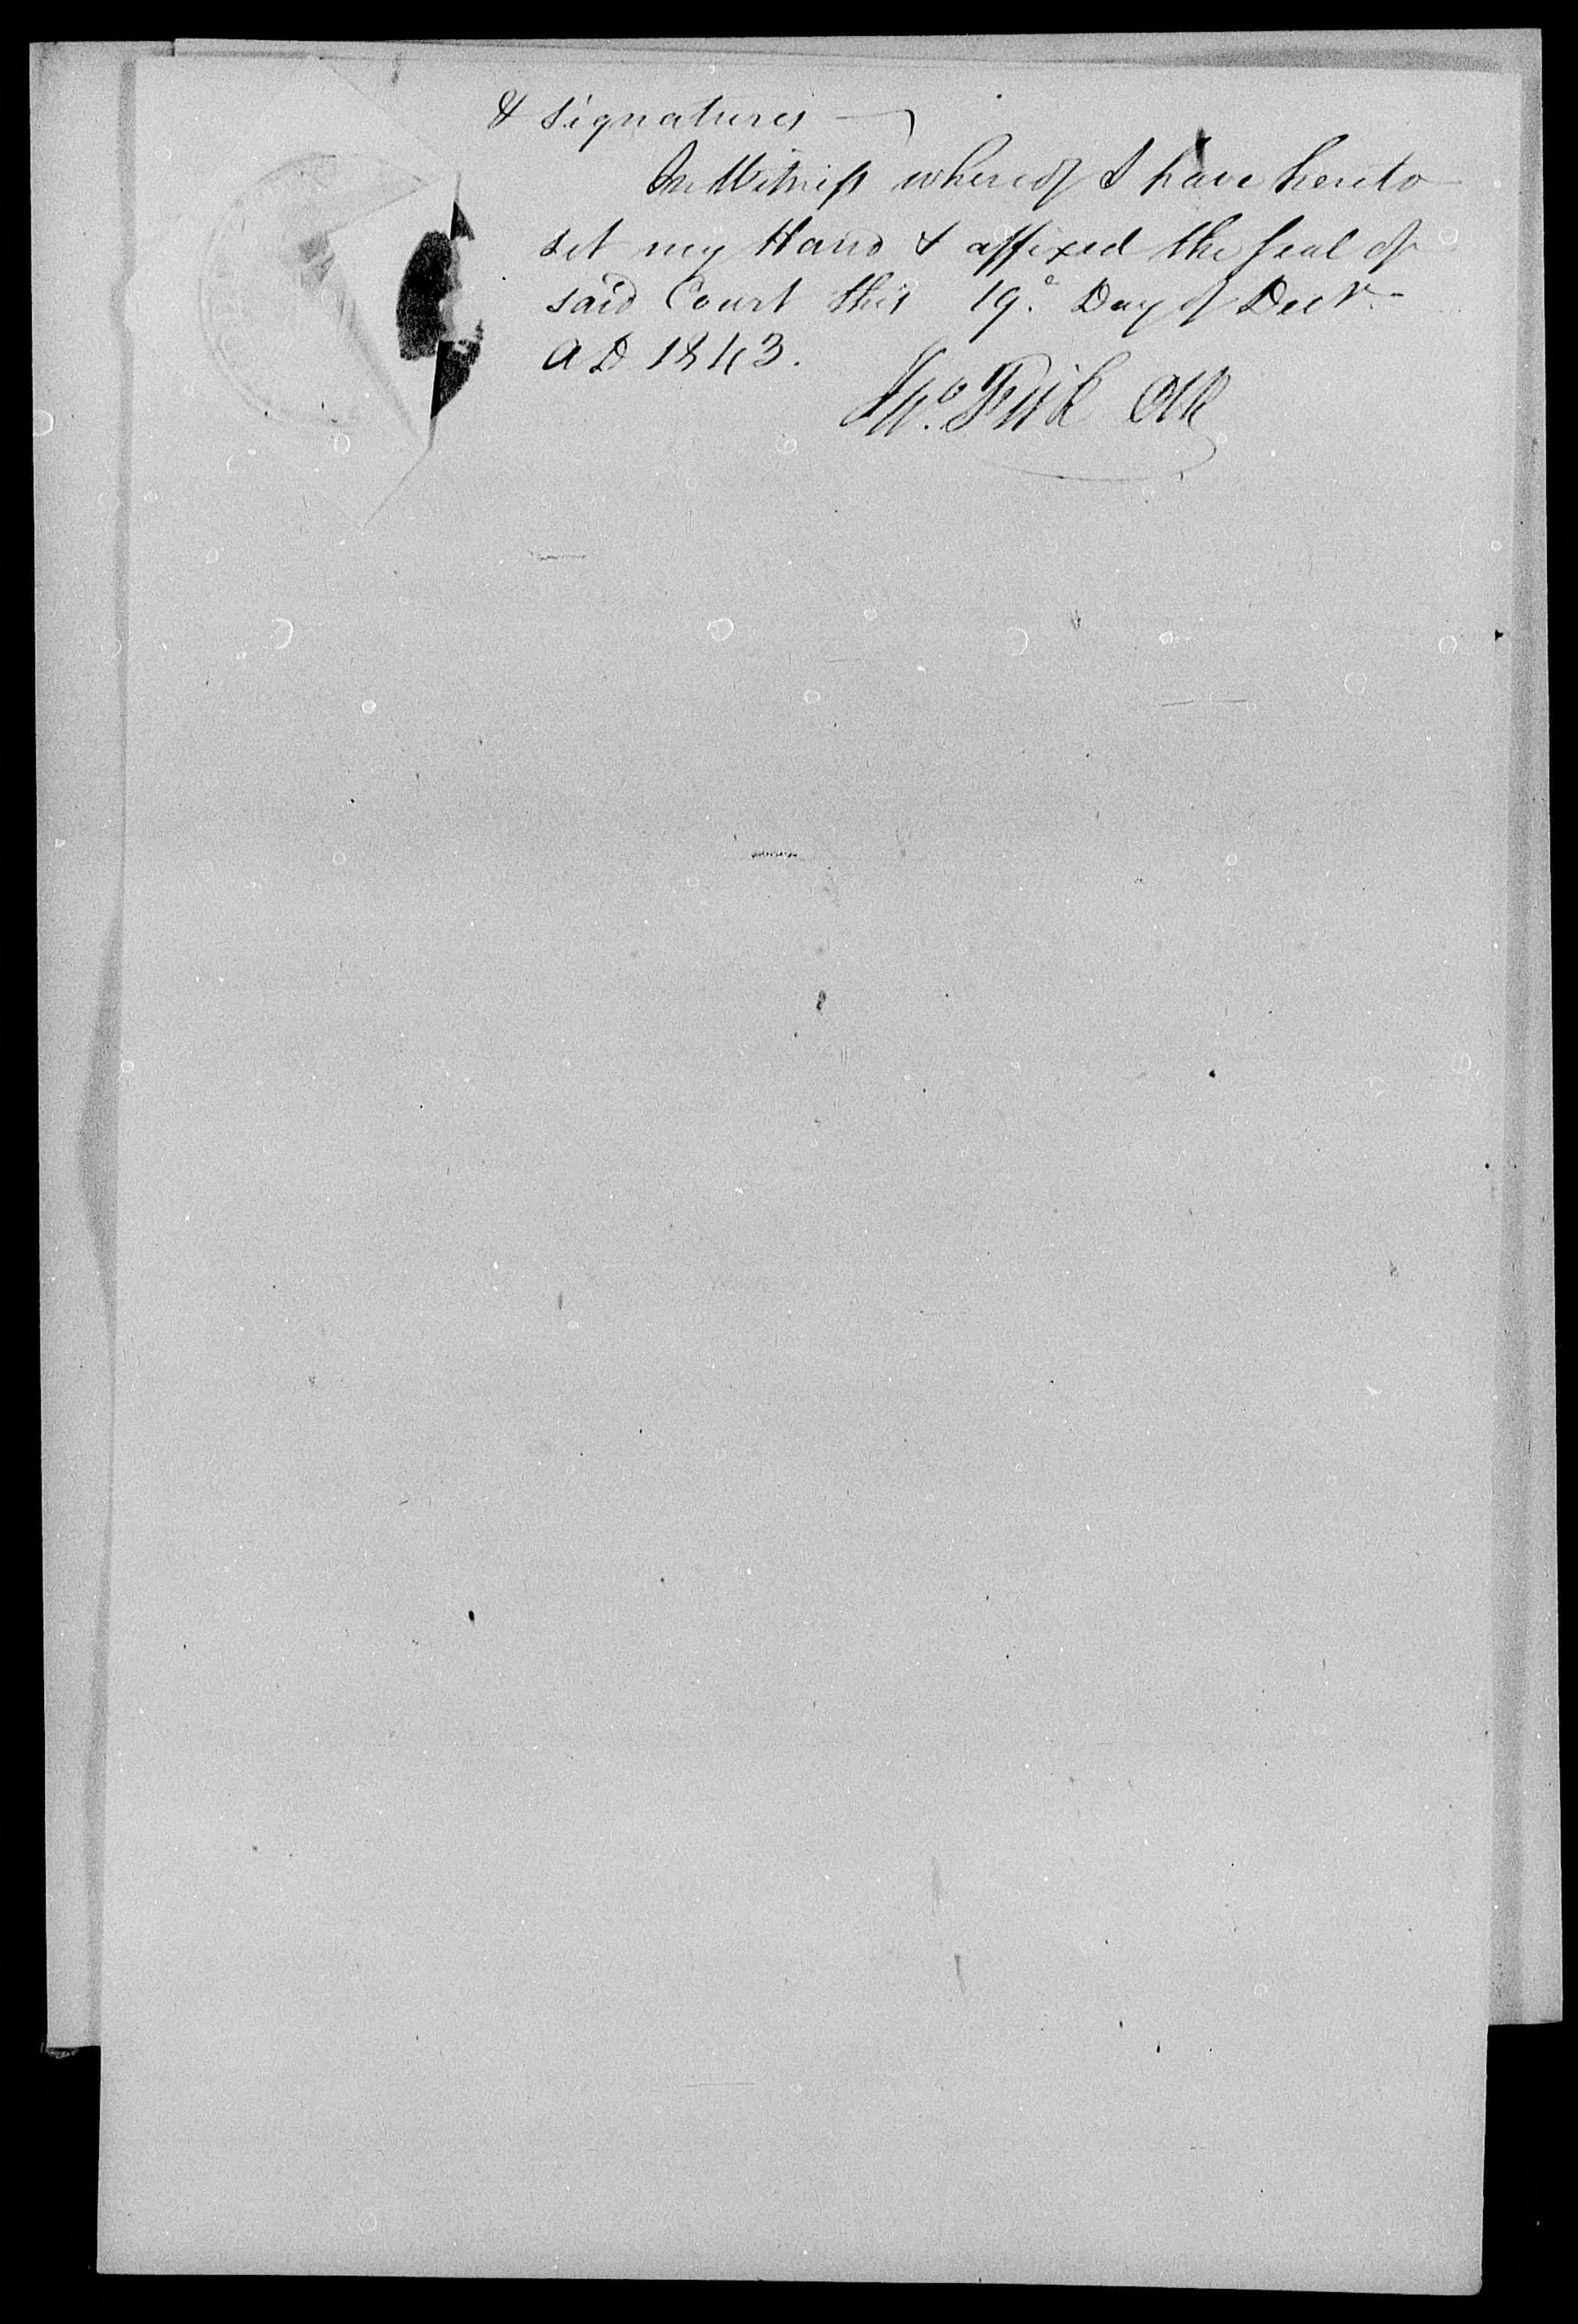& Signatures -

In Witness whereof I have hereto set my Hand & affixed the Seal of said Court this 19 Day of Decr. - A D 1843.

Jn. Fisk  Clk

[Square piece of paper with circular seal affixed and folded at left]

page: 46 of 47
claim: widow's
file: W. 17879, for Seth Strong, Connecticut